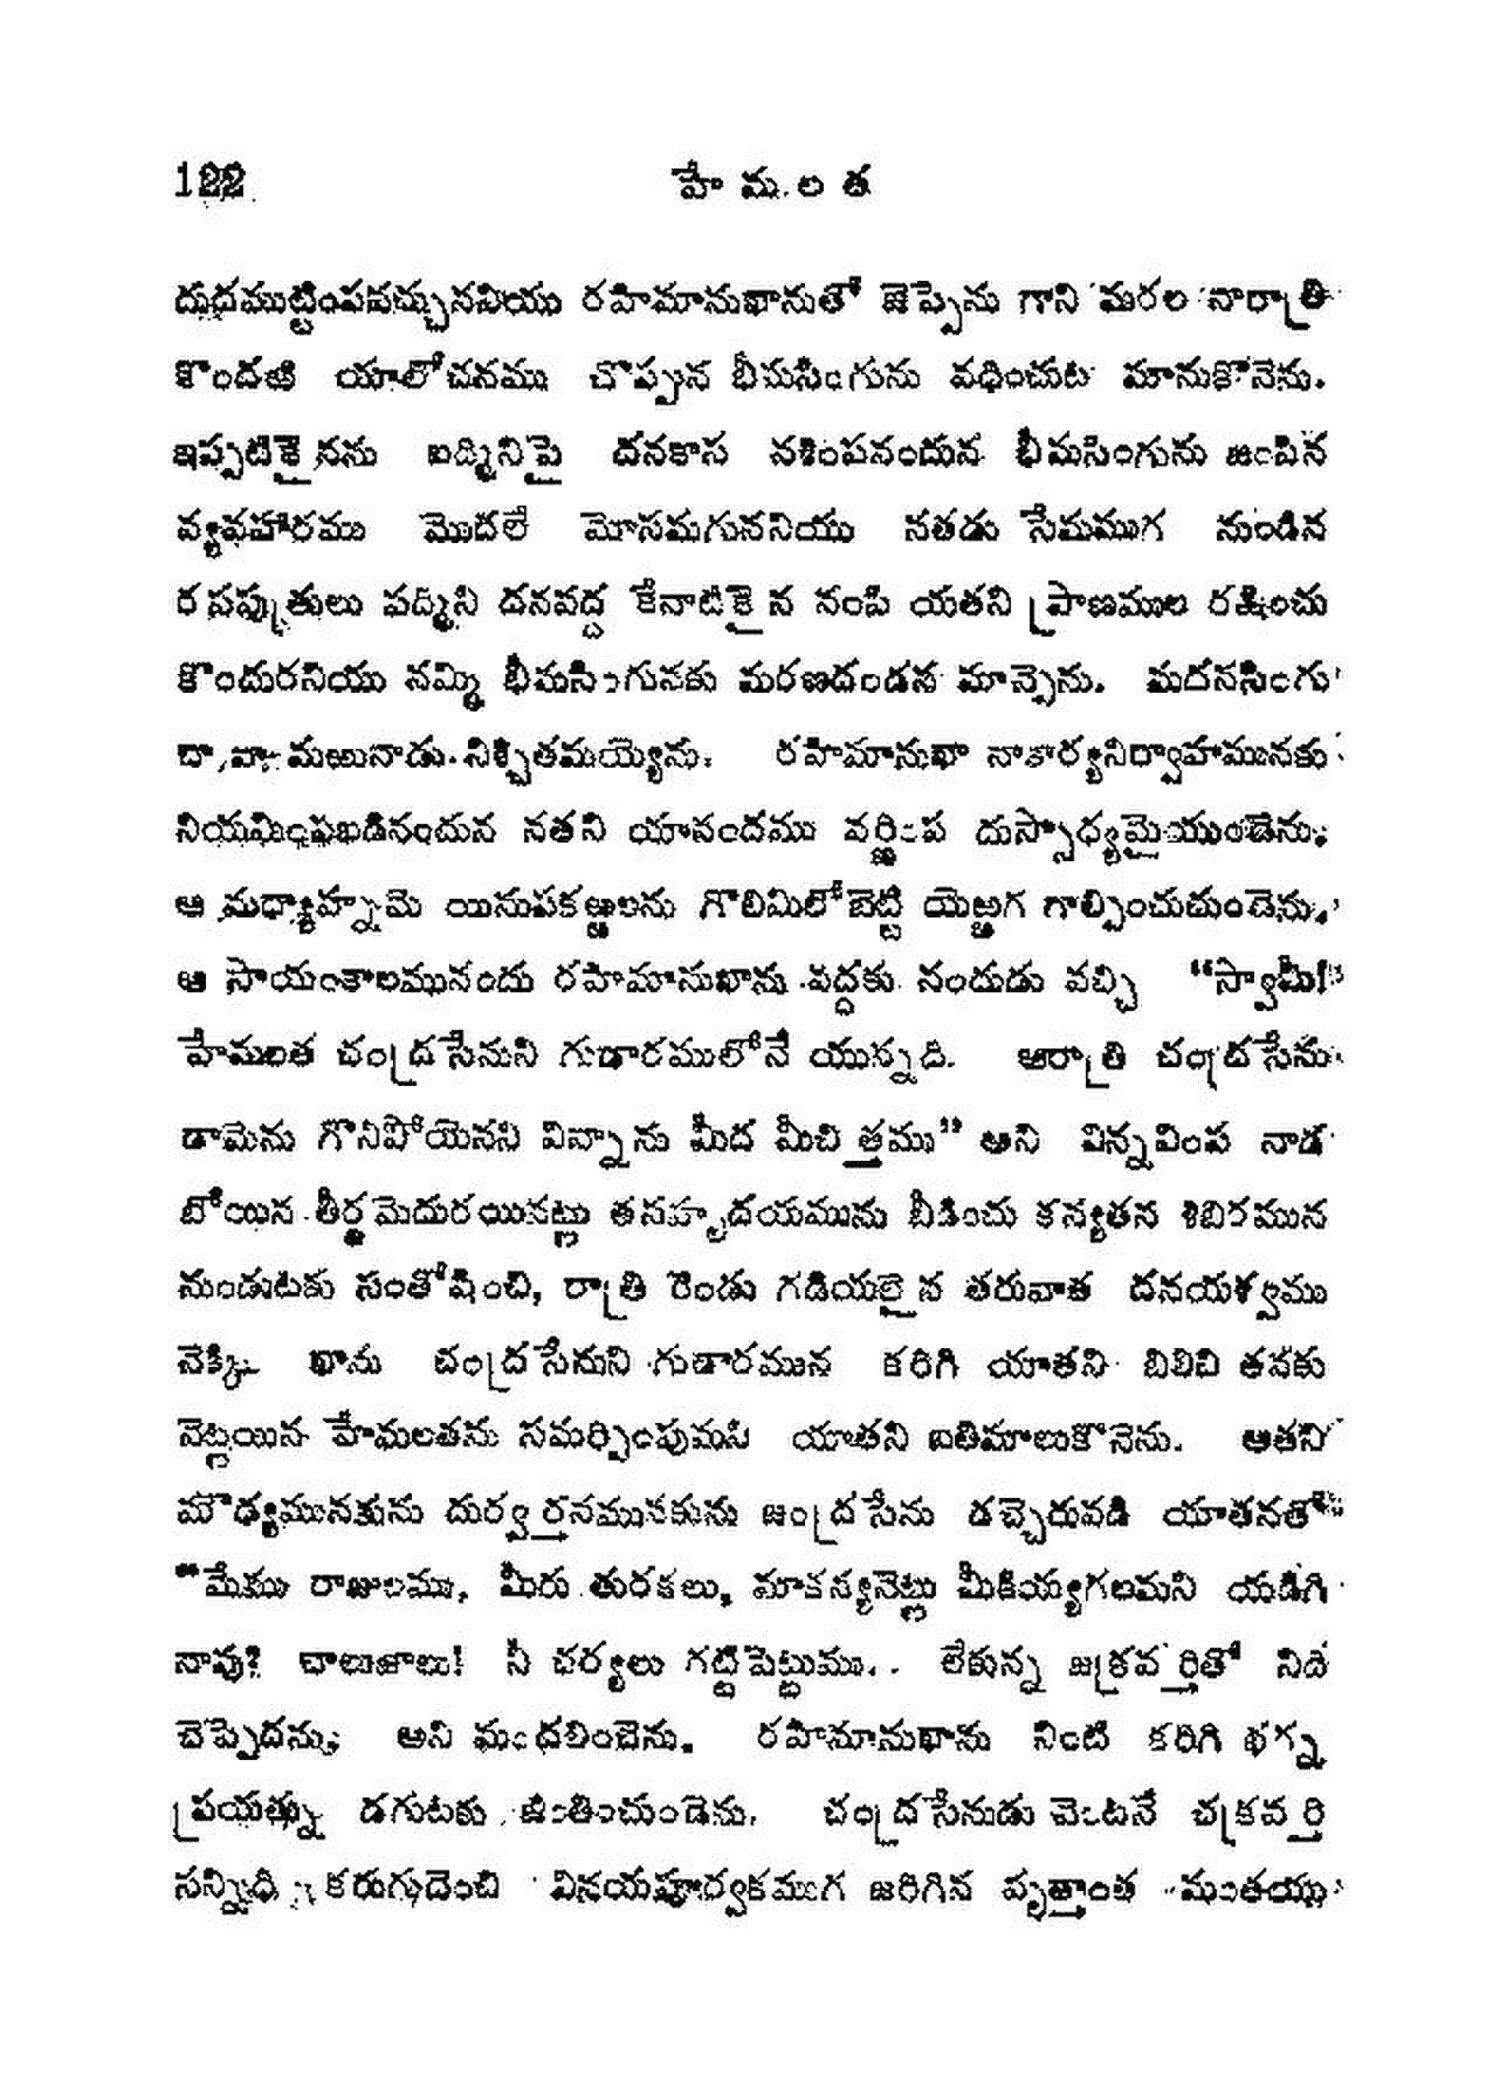దుదముట్టింపవచ్చుననియు రహిమానుఖానుతో జెప్పెను గాని మరల నారాత్రి కొందఱి యాలోచనము చొప్పున భీమసింగును వధించుట మానుకొనెను. ఇప్పటికైనను బద్మినిపై దనకాస నశింపనందున భీమసింగును జంపిన వ్యవహారము మొదలే మోసమగుననియు నతడు సేమముగ నుండిన రసపుత్రులు పద్మిని దనవద్ద కేనాటికైన నంపి యతని ప్రాణముల రక్షించు కొందురనియు నమ్మి భీమసింగునకు మరణదండన మాన్పెను. మదనసింగు చావా మఱునాడు నిశ్చితమయ్యెను. రహిమానుఖా నాకార్యనిర్వాహమునకు నియమింపబడినందున నతని యానందము వర్ణింప దుస్సాధ్యమైయుండెను. ఆ మధ్యాహ్నమె యినుపకఱ్ఱలను గొలిమిలోబెట్టి యెఱ్ఱగ గాల్పించుచుండెను. ఆ సాయంకాలమునందు రహిమానుఖాను వద్దకు నందుడు వచ్చి “స్వామీ! హేమలత చంద్రసేనుని గుడారములోనే యున్నది. ఆరాత్రి చంద్ర సేనుడామెను గొనిపోయెనని విన్నాను. మీద మీచిత్తము” అని విన్నవింప నాడబోయిన తీర్థ మెదురయినట్లు తనహృదయమును బీడించు కన్యతన శిబిరమున నుండుటకు సంతోషించి, రాత్రి రెండు గడియలైన తరువాత దనయశ్వము నెక్కి ఖాను చంద్రసేనుని గుడారమున కరిగి యాతని బిలిచి తనకు నెట్లయిన హేమలతను సమర్పింపుమని యాతని బతిమాలుకొనెను. ఆతని మౌఢ్యమునకును దుర్వర్తనమునకును జంద్రసేను డచ్చెరువడి యాతనతో “మేము రాజులము, మీరు తురకలు, మాకన్యనెట్లు మీకియ్యగలమని యడిగినావు? చాలుజాలు! నీ చర్యలు గట్టిపెట్టుము. లేకున్న జక్రవర్తితో నిది చెప్పెదను; అని మందలించెను. రహిమానుఖాను నింటి కరిగి భగ్న ప్రయత్ను డగుటకు జింతించుచుండెను. చంద్రసేనుడు వెంటనే చక్రవర్తి సన్నిధి కరుగుదెంచి వినయపూర్వకముగ జరిగిన వృత్తాంత మంతయు